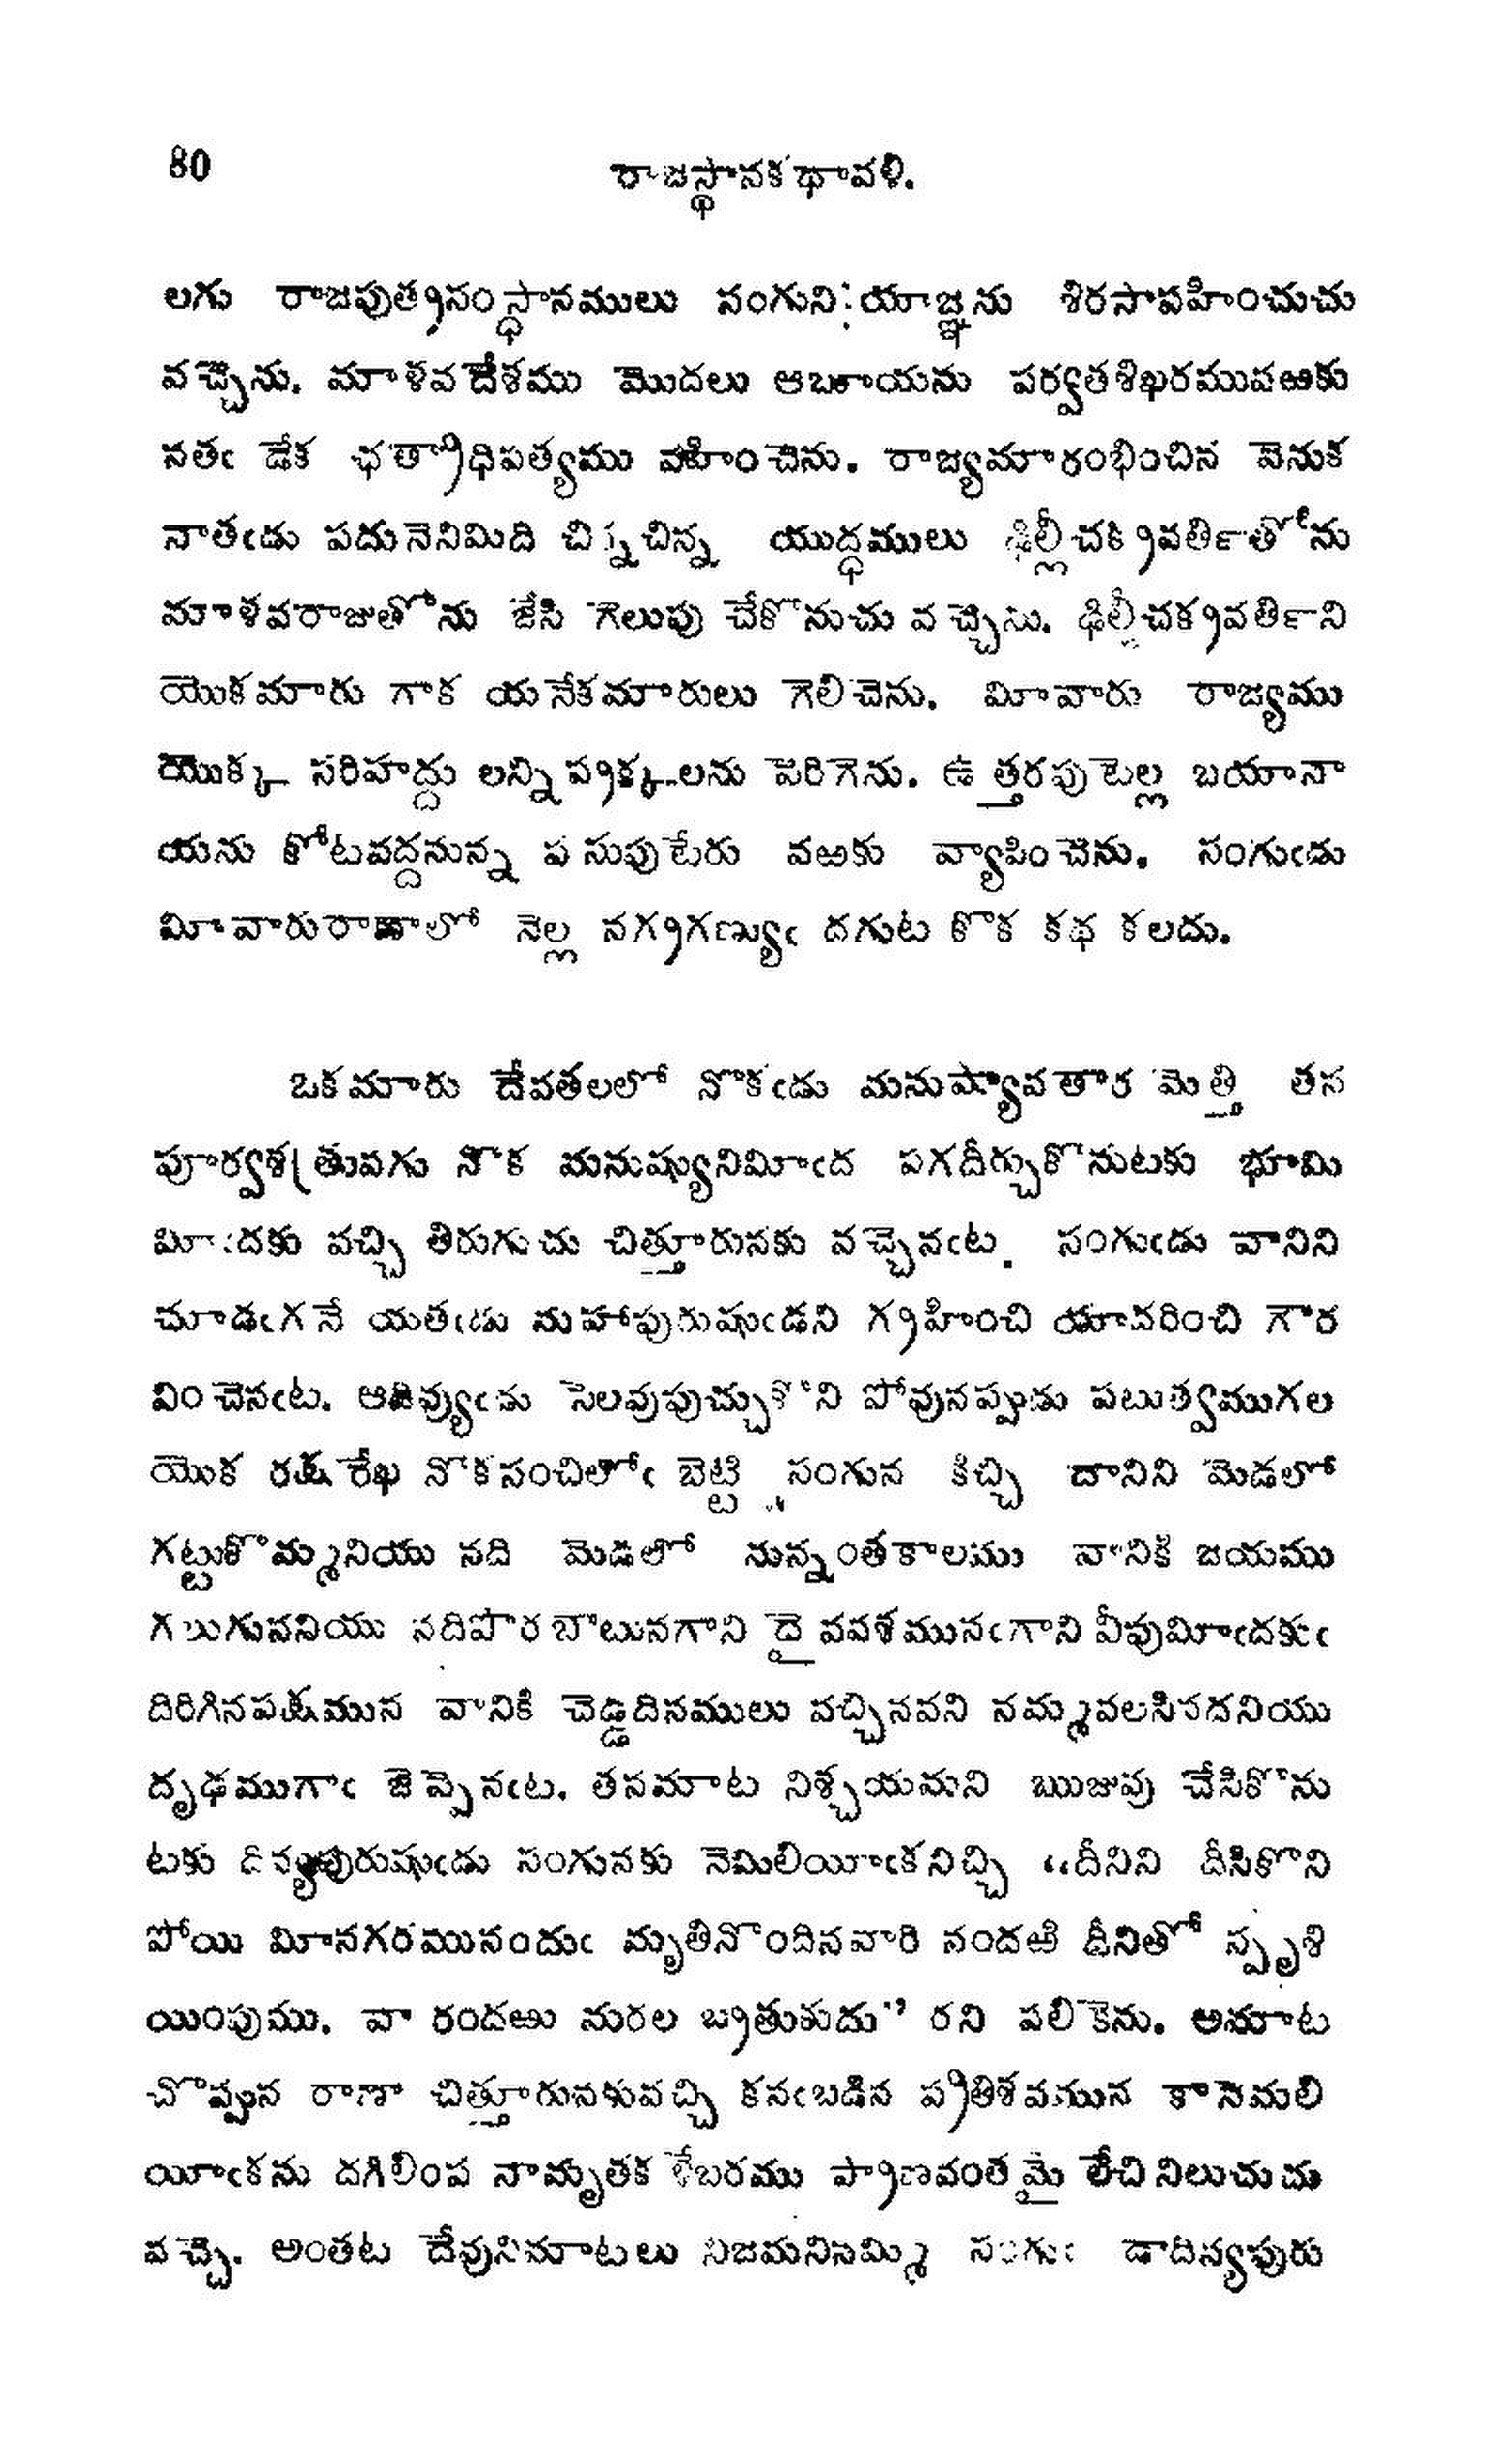లగు రాజపుత్ర సంస్థానములు సంగుని యాజ్ఞను శిరసావహించుచు వచ్చెను. మాళవ దేశము మొదలు ఆబూయను పర్వత శిఖరమువఱకు
నతఁడేక ఛత్రాధిపత్యము వహించెను. రాజ్యమారంభించిన వెనుక నాతఁడు పదునెనిమిది చిన్నచిన్న యుద్ధములు ఢిల్లీ చక్రవతి౯ తోను
మాళవరాజుతోను జేసి గెలుపు చేకొనుచు వచ్చెను. ఢిల్లీ చక్రవతి౯ ని యొకమారు గాక యనేకమారులు గెలిచెను, మీవారు. రాజ్యము
యొక్క సరిహద్దు లన్నిపక్కలను పెరిగెను. ఉత్తరపుటెల్ల బయానా యను కోటవద్దనున్న పసుపుటేరు వఱకు వ్యాపించెను. సంగుఁడు
మీవారు రాణాలో నెల్ల నగ్రగణ్యుఁ దగుట కొక కథ కలదు.

ఒకమారు దేవతలలో నొకఁడు మనుష్యావతార మెత్తి తన పూర్వశత్రువగు నౌక మనుష్యునిమీఁద పగదీర్చుకొనుటకు భూమి మీఁదకు వచ్చి తిరుగుచు చిత్తూరునకు వచ్చెనఁట. సంగుఁడు వానిని చూడఁగనే యతఁడు మహాపురుషుఁడని గ్రహించి యాచరించి గౌరవించెనఁట, ఆదివ్యుఁడు 'సెలవుపుచ్చుకొని పోవునప్పుడు పటుత్వముగల యొక రక్షరేఖ నొక సంచిలోఁ బెట్టి సంగున కిచ్చి దానిని 'మెడలో
గట్టుకొమ్మనియు నది మెడలో సున్నంత కాలము వానికి జయము గలుగుననియు నదిపొరబాటునగాని దైవవశమునఁగాని వీపు మీఁదకుఁ
దిరిగిన పక్షమున వానికి చెడ్డదినములు వచ్చినవని నమ్మవలసినదనియు దృఢముగాఁ జెప్పినఁట, తనమాట నిశ్చయమని ఋజువు చేసికోను
టకు దివ్యపురుషుఁడు సంగునకు నెమిలియీఁక నిచ్చి "దీనిని దీసికొని పోయి మీనగరమునందుఁ మృతినొందిన వారి నందఱి దీనితో స్పృశి
యింపుము. వా రందఱు మరల బ్రతుకుదు" రని పలికెను. ఆమాట చొప్పున రాణా చిత్తూరునకువచ్చి కనఁబడిన ప్రతిశవమున కానెమలి
యీఁకను దగిలింప నామృతకళేబరము ప్రాణవంతమై లేచి నిలుచుచు వచ్చి. అంతట దేవునిమాటలు నిజమనినమ్మి సంగుఁ డాదివ్య పురు